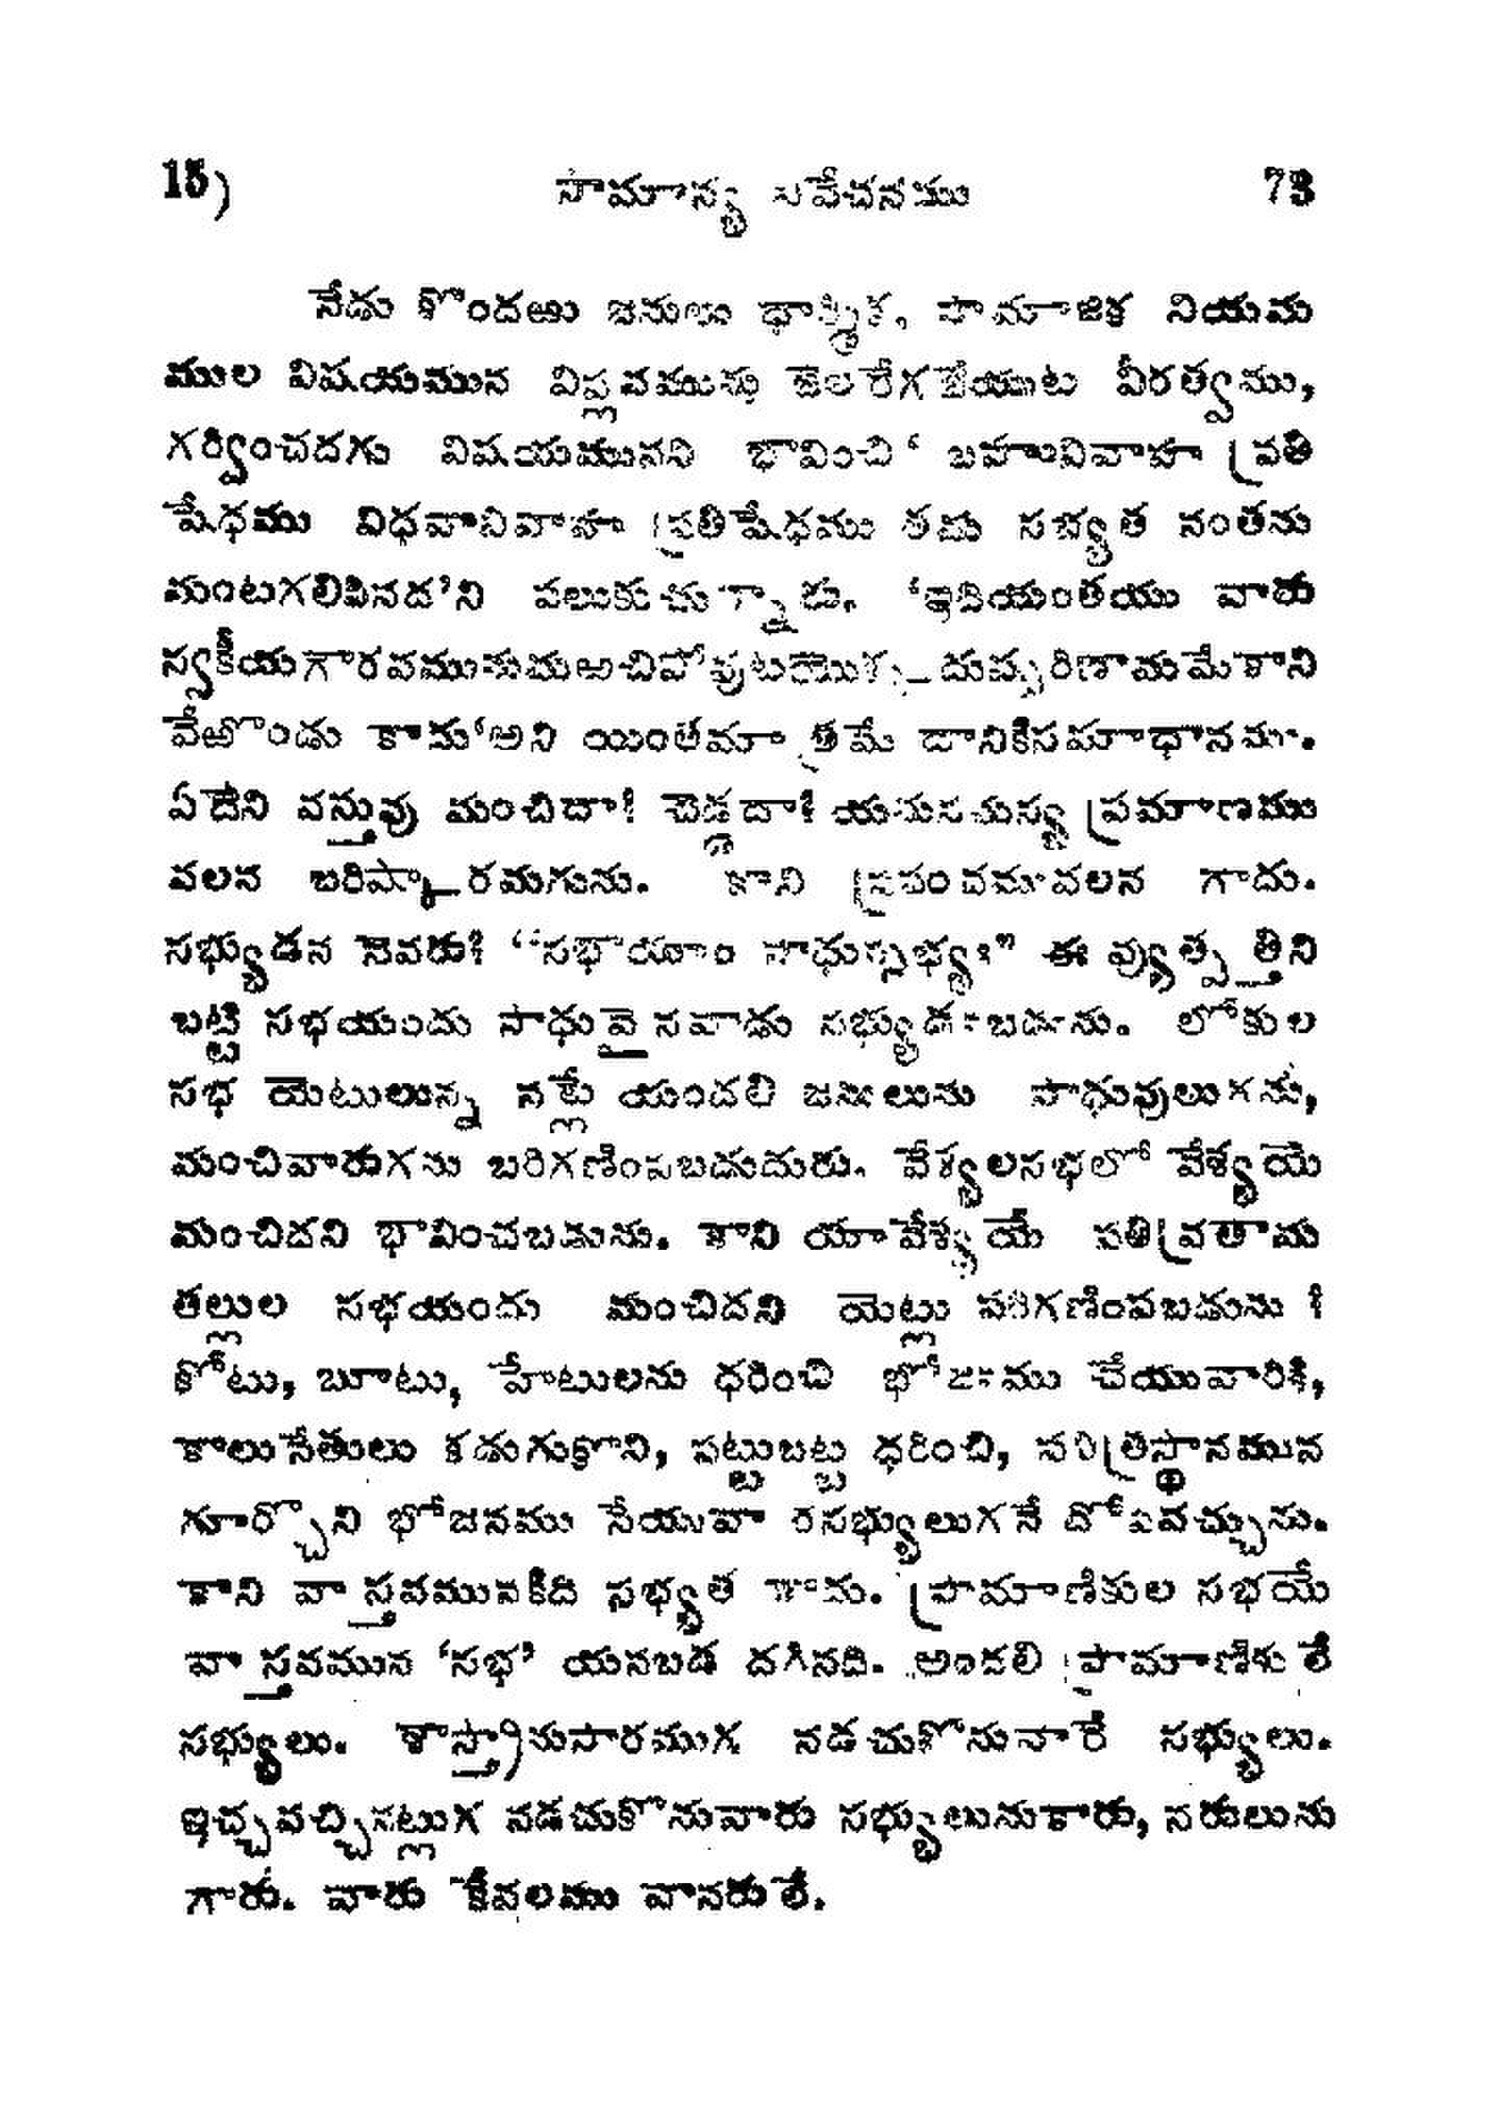నేడు కొందఱు జనులు ధార్మిక, సామాజిక నియమ
ముల విషయమున విప్లవమును జెలరేగజేయుట వీరత్వము,
గర్వించదగు విషయమునని భావించి 'బహువివాహ ప్రతి
షేధము, విధవావివాహ ప్రతిషేధము తమ సభ్యత నంతను
మంటగలిపినద'ని పలుకుచున్నాడు. 'ఇదియంతయు వారు
స్వకీయ గౌరవముకుమఱచిపోవుటయొక్క దుష్పరిణామమేకాని
వేఱొండు కాదు' అని యింతమాత్రమే దానికిసమాధానము 

ఏదేని వస్తువు మంచిదా? చెడ్డదా? యను సమస్య ప్రమాణము
వలన బరిష్కారమగును. కాని ప్రపంచము వలన గాదు.
సభ్యుడన నెవరు? “సభాయాం సాధుస్సభ్యః" ఈ వ్యుత్పత్తిని
బట్టి సభయందు సాధువైనవాడు సభ్యుడనబడును..
లోకుల సభ యెటులున్న నట్లే యందలి జనులును సాధువులుగను,
మంచివారుగను బరిగణింపబడుదురు. వేశ్యలసభలో వేశ్యయే
మంచిదని భావించబడును. కాని యావేశ్యయే పతివ్రతామ
తల్లుల సభయందు మంచిదని యెట్లు పరిగణింపబడును ?
కోటు, బూటు, హేటులను ధరించి భోజము చేయువారికి,
కాలు నేతులు కడుగుకొని, పట్టుబట్ట ధరించి, పవిత్రస్థానమున
గూర్చొని భోజనము సేయువా రసభ్యులుగనే దోపవచ్చును.
కాని వాస్తవమునకిది సభ్యత కాదు. ప్రామాణికుల సభయే
వాస్తవమున ‘సభ' యనబడ దగినది. అందలి ప్రామాణికులే
సభ్యులు. శాస్త్రానుసారముగ నడచుకొనువారే సభ్యులు.
ఇచ్చవచ్చినట్లుగ నడచుకొనువారు సభ్యులునుకారు, నరులును
గారు. వారు కేవలము వానరులే.